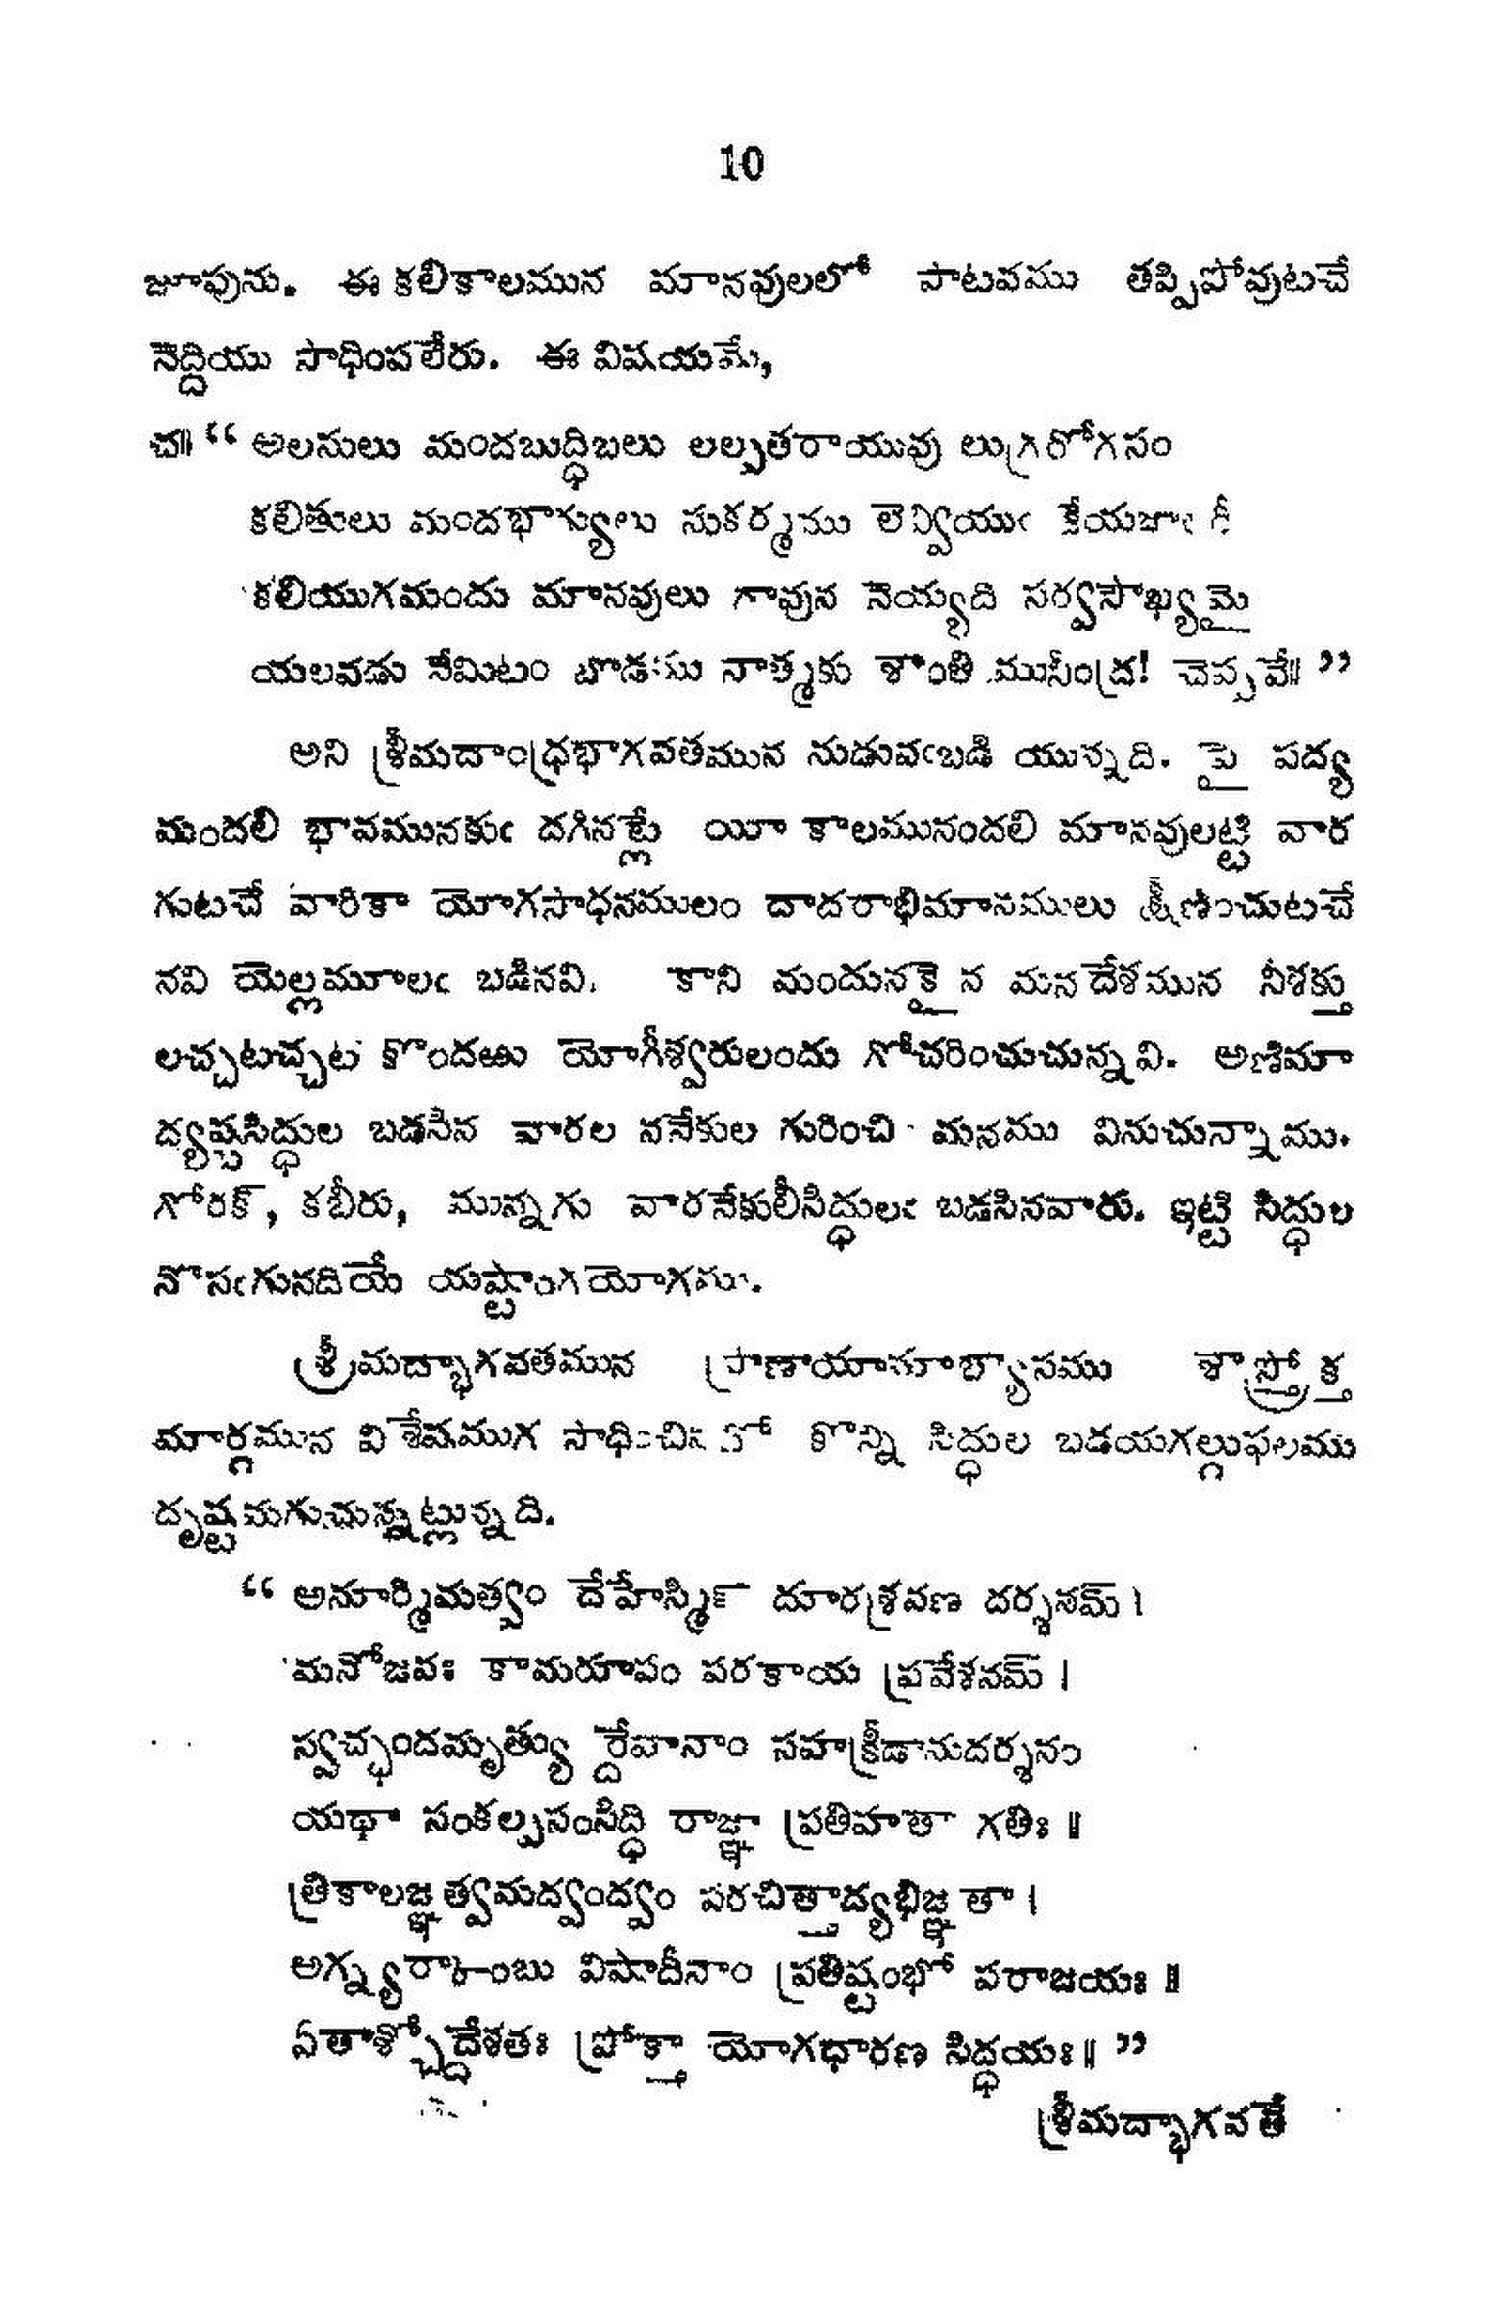జూపును, ఈ కలికాలమున మానవులలో పాటవము తప్పిపోవుటచే నెద్దియు సాధింపలేరు. ఈ విషయమే,

అని శ్రీమదాంధ్రభాగవతమున నుడువఁబడి యున్నది. పైపద్యమందలి భావమునకుఁ దగినట్లే యీ కాలమునందలి మానవు లట్టివా రగుటచే వారి కాయోగసాధనములం దాదరాభిమానములు క్షీణించుటచే నవి యెల్ల మూలఁబడినవి. కాని మందునకైన మన దేశమున నీశక్తు లచ్చటచ్చట కొందఱు యోగీశ్వరులందు గోచరించుచున్నవి. అణిమాద్యష్టసిద్ధుల బడసినవారల ననేకుల గురించి మనము వినుచున్నాము. గోరక్ , కబీరు, మున్నగువా రనేకు లీసిద్ధులఁ బడసినవారు. ఇట్టి సిద్ధుల నొసఁగునదియే యష్టాంగయోగము.

శ్రీమద్భాగవతమున ప్రాణాయామాభ్యాసము శాస్త్రోక్తమార్గమున విశేషముగ సాధించినచో కొన్ని సిద్ధుల బడయగల్గుఫలము దృష్ట మగుచున్నట్లున్నది.